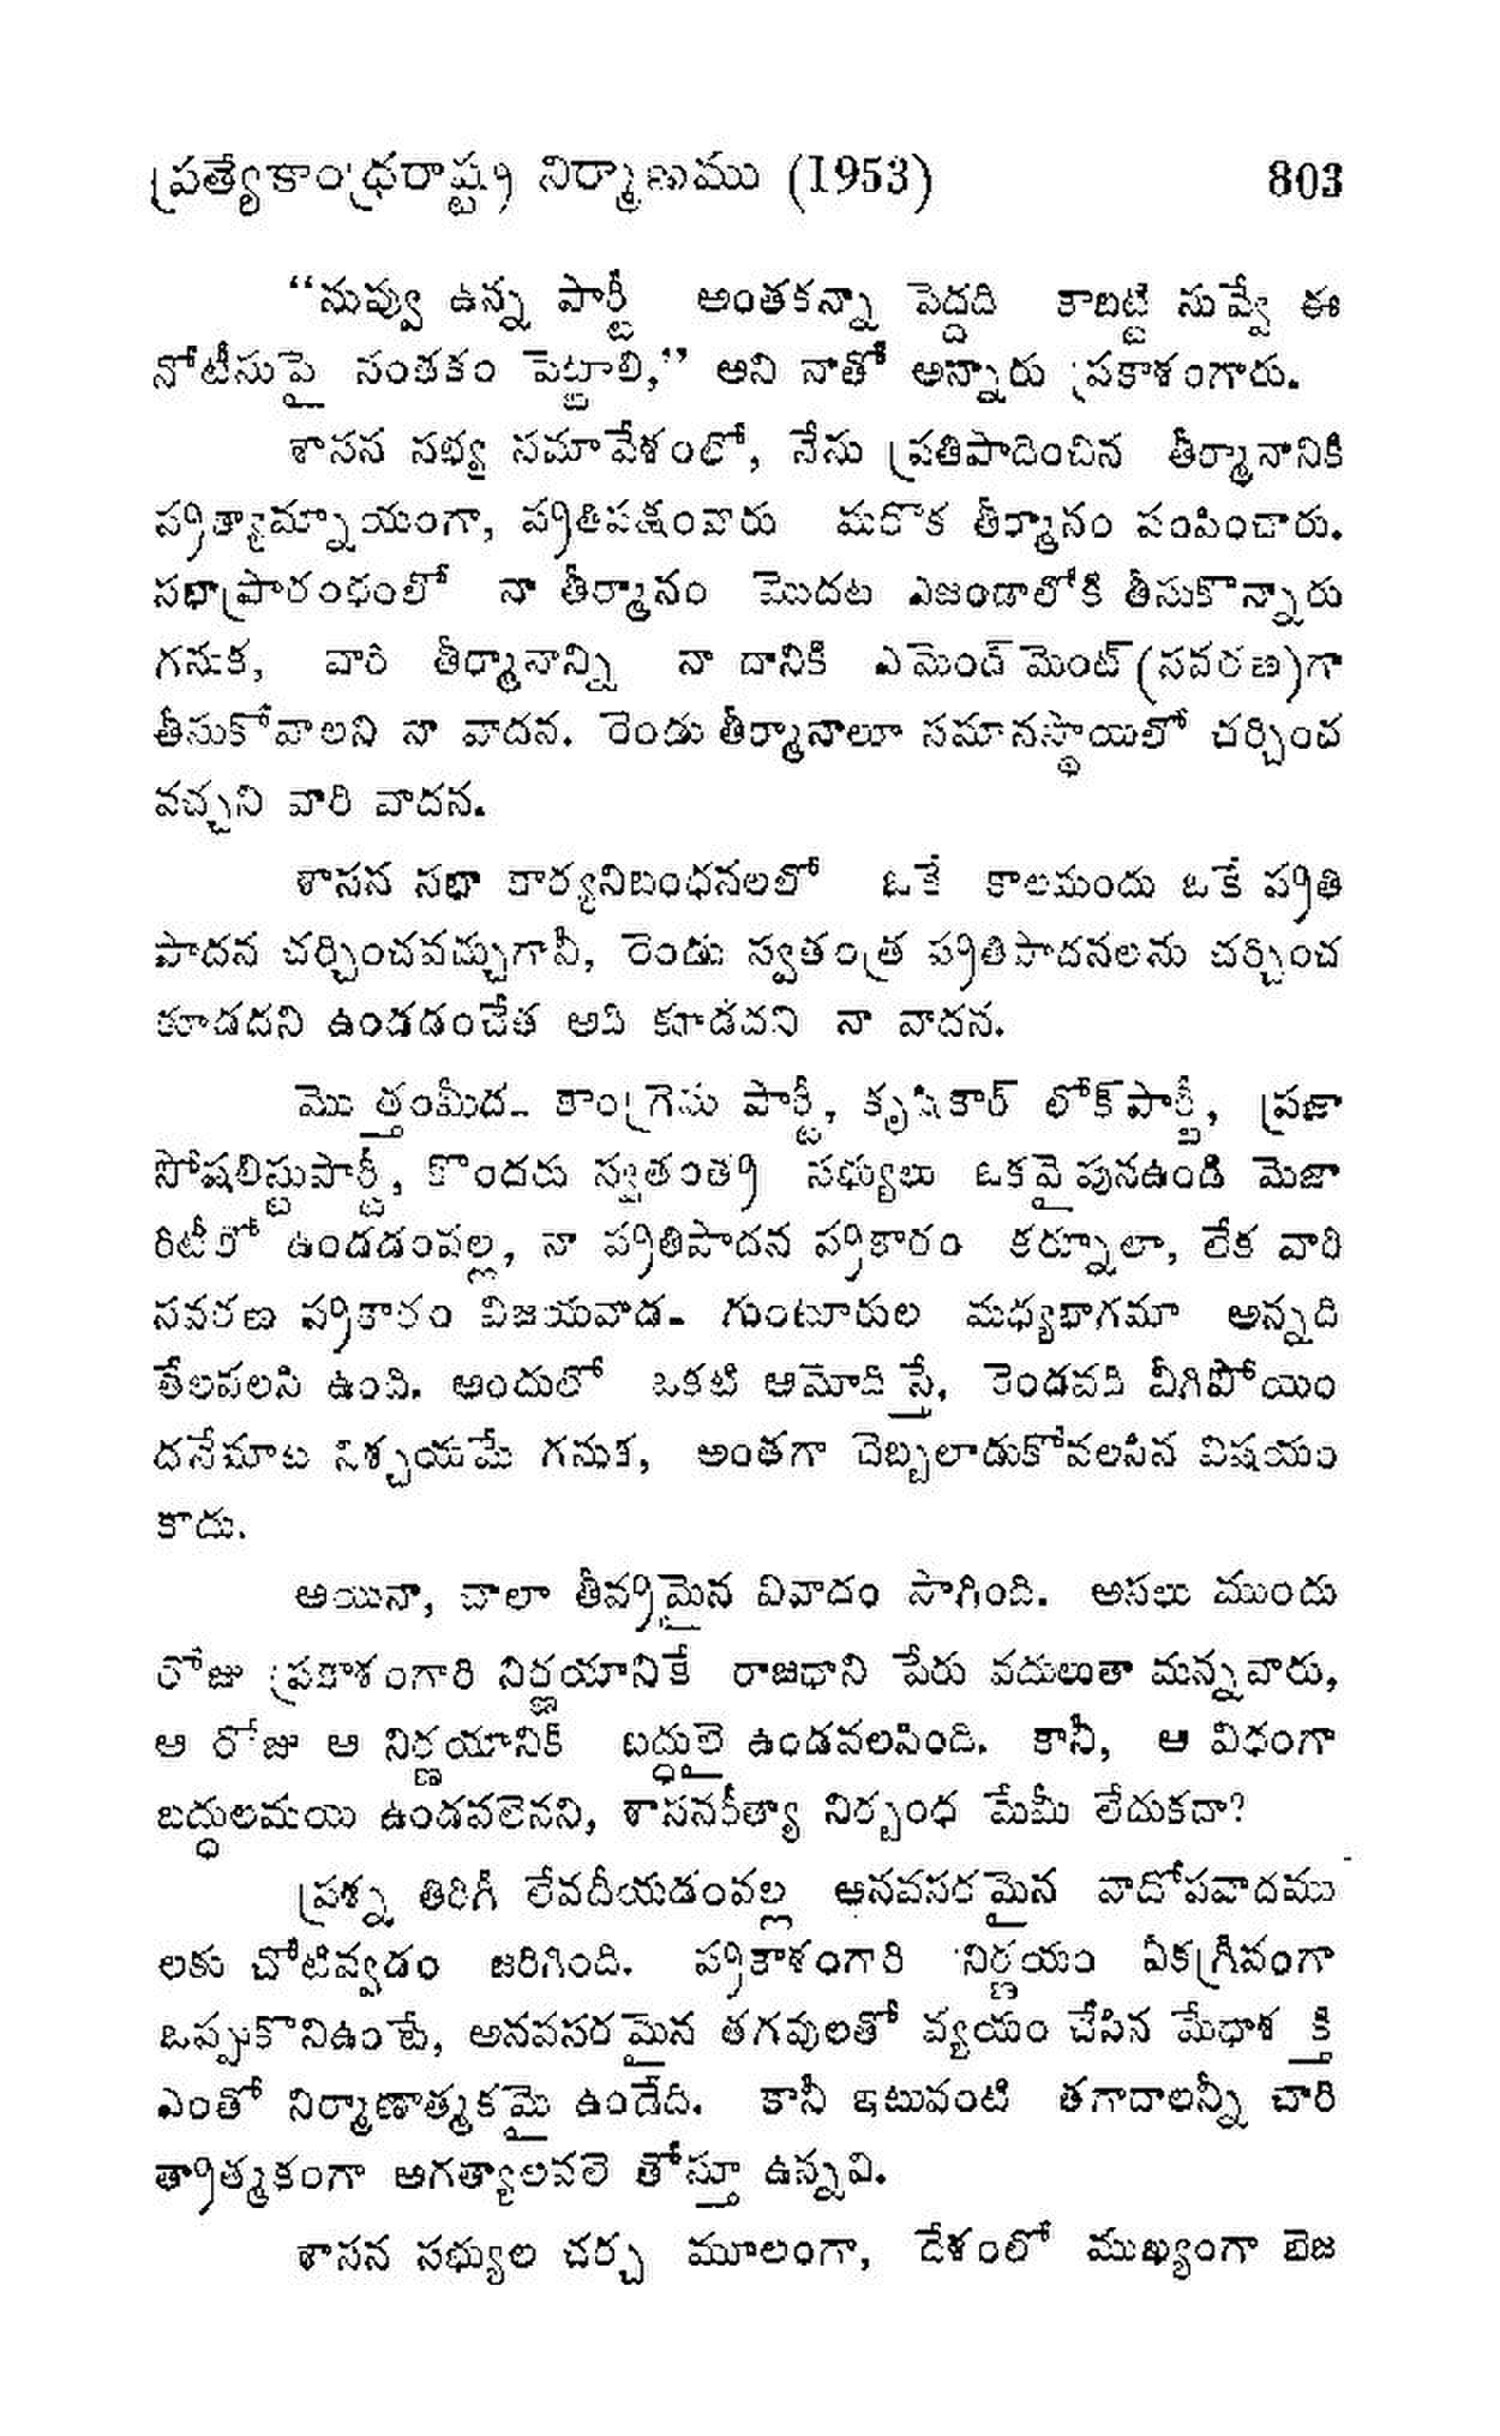"నువ్వు ఉన్న పార్టీ అంతకన్నా పెద్దది కాబట్టి నువ్వే ఈ నోటీసుపై సంతకం పెట్టాలి," అని నాతో అన్నారు ప్రకాశంగారు.

శాసన సభ్య సమావేశంలో, నేను ప్రతిపాదించిన తీర్మానానికి ప్రత్యామ్నాయంగా, ప్రతిపక్షంవారు మరొక తీర్మానం పంపించారు. సభాప్రారంభంలో నా తీర్మానం మొదట ఎజండాలోకి తీసుకొన్నారు గనుక, వారి తీర్మానాన్ని నా దానికి ఎమెండ్‌మెంట్ (సవరణ)గా తీసుకోవాలని నా వాదన. రెండు తీర్మానాలూ సమానస్థాయిలో చర్చించవచ్చని వారి వాదని.

శాసన సభా కార్యనింబంధనలలో ఒకే కాలమందు ఒకే ప్రతిపాదన చర్చించవచ్చుగానీ, రెండు స్వతంత్ర ప్రతిపాదనలను చర్చించకూడదని ఉండడంచేత అది కూడదని నా వాదన.

మొత్తంమీద - కాంగ్రెసు పార్టీ, కృషికార్ లోక్‌పార్టీ, ప్రజా సోషలిస్టుపార్టీ, కొందరు స్వతంత్ర సభ్యులు ఒకవైపునఉండి మెజారిటీలో ఉండడంవల్ల, నా ప్రతిపాదన ప్రకారం కర్నూలా, లేక వారి సవరణ ప్రకారం విజయవాడ - గుంటూరుల మధ్యభాగమా అన్నది తేలవలసి ఉంది. అందులో ఒకటి ఆమోదిస్తే, రెండవది వీగిపోయిందనేమాట నిశ్చయమే గనుక, అంతగా దెబ్బలాడుకోవలసిన విషయం కాదు.

అయినా, చాలా తీవ్రమైన వివాదం సాగింది. అసలు ముందురోజు ప్రకాశంగారి నిర్ణయానికే రాజధాని పేరు వదులుతా మన్న వారు, ఆ రోజు ఆ నిర్ణయానికి బద్దులై ఉండవలసింది. కానీ, ఆ విధంగా బద్దులమయి ఉండవలెనని, శాసనరీత్యా నిర్బంధ మేమీ లేదుకదా?

ప్రశ్న తిరిగీ లేవదీయడంవల్ల అనవసరమైన వాదోపవాదములకు చోటివ్వడం జరిగింది. ప్రకాశంగారి నిర్ణయం ఏకగ్రీవంగా ఒప్పుకొనిఉంటే, అనవసరమైన తగవులతో వ్యయం చేసిన మేధాశక్తి ఎంతో నిర్మాణాత్మకమై ఉండేది. కానీ ఇటువంటి తగాదాలన్నీ చారిత్రాత్మకంగా అగత్యాలవలె తోస్తూ ఉన్నవి.

శాసన సభ్యుల చర్చ మూలంగా, దేశంలో ముఖ్యంగా బెజ